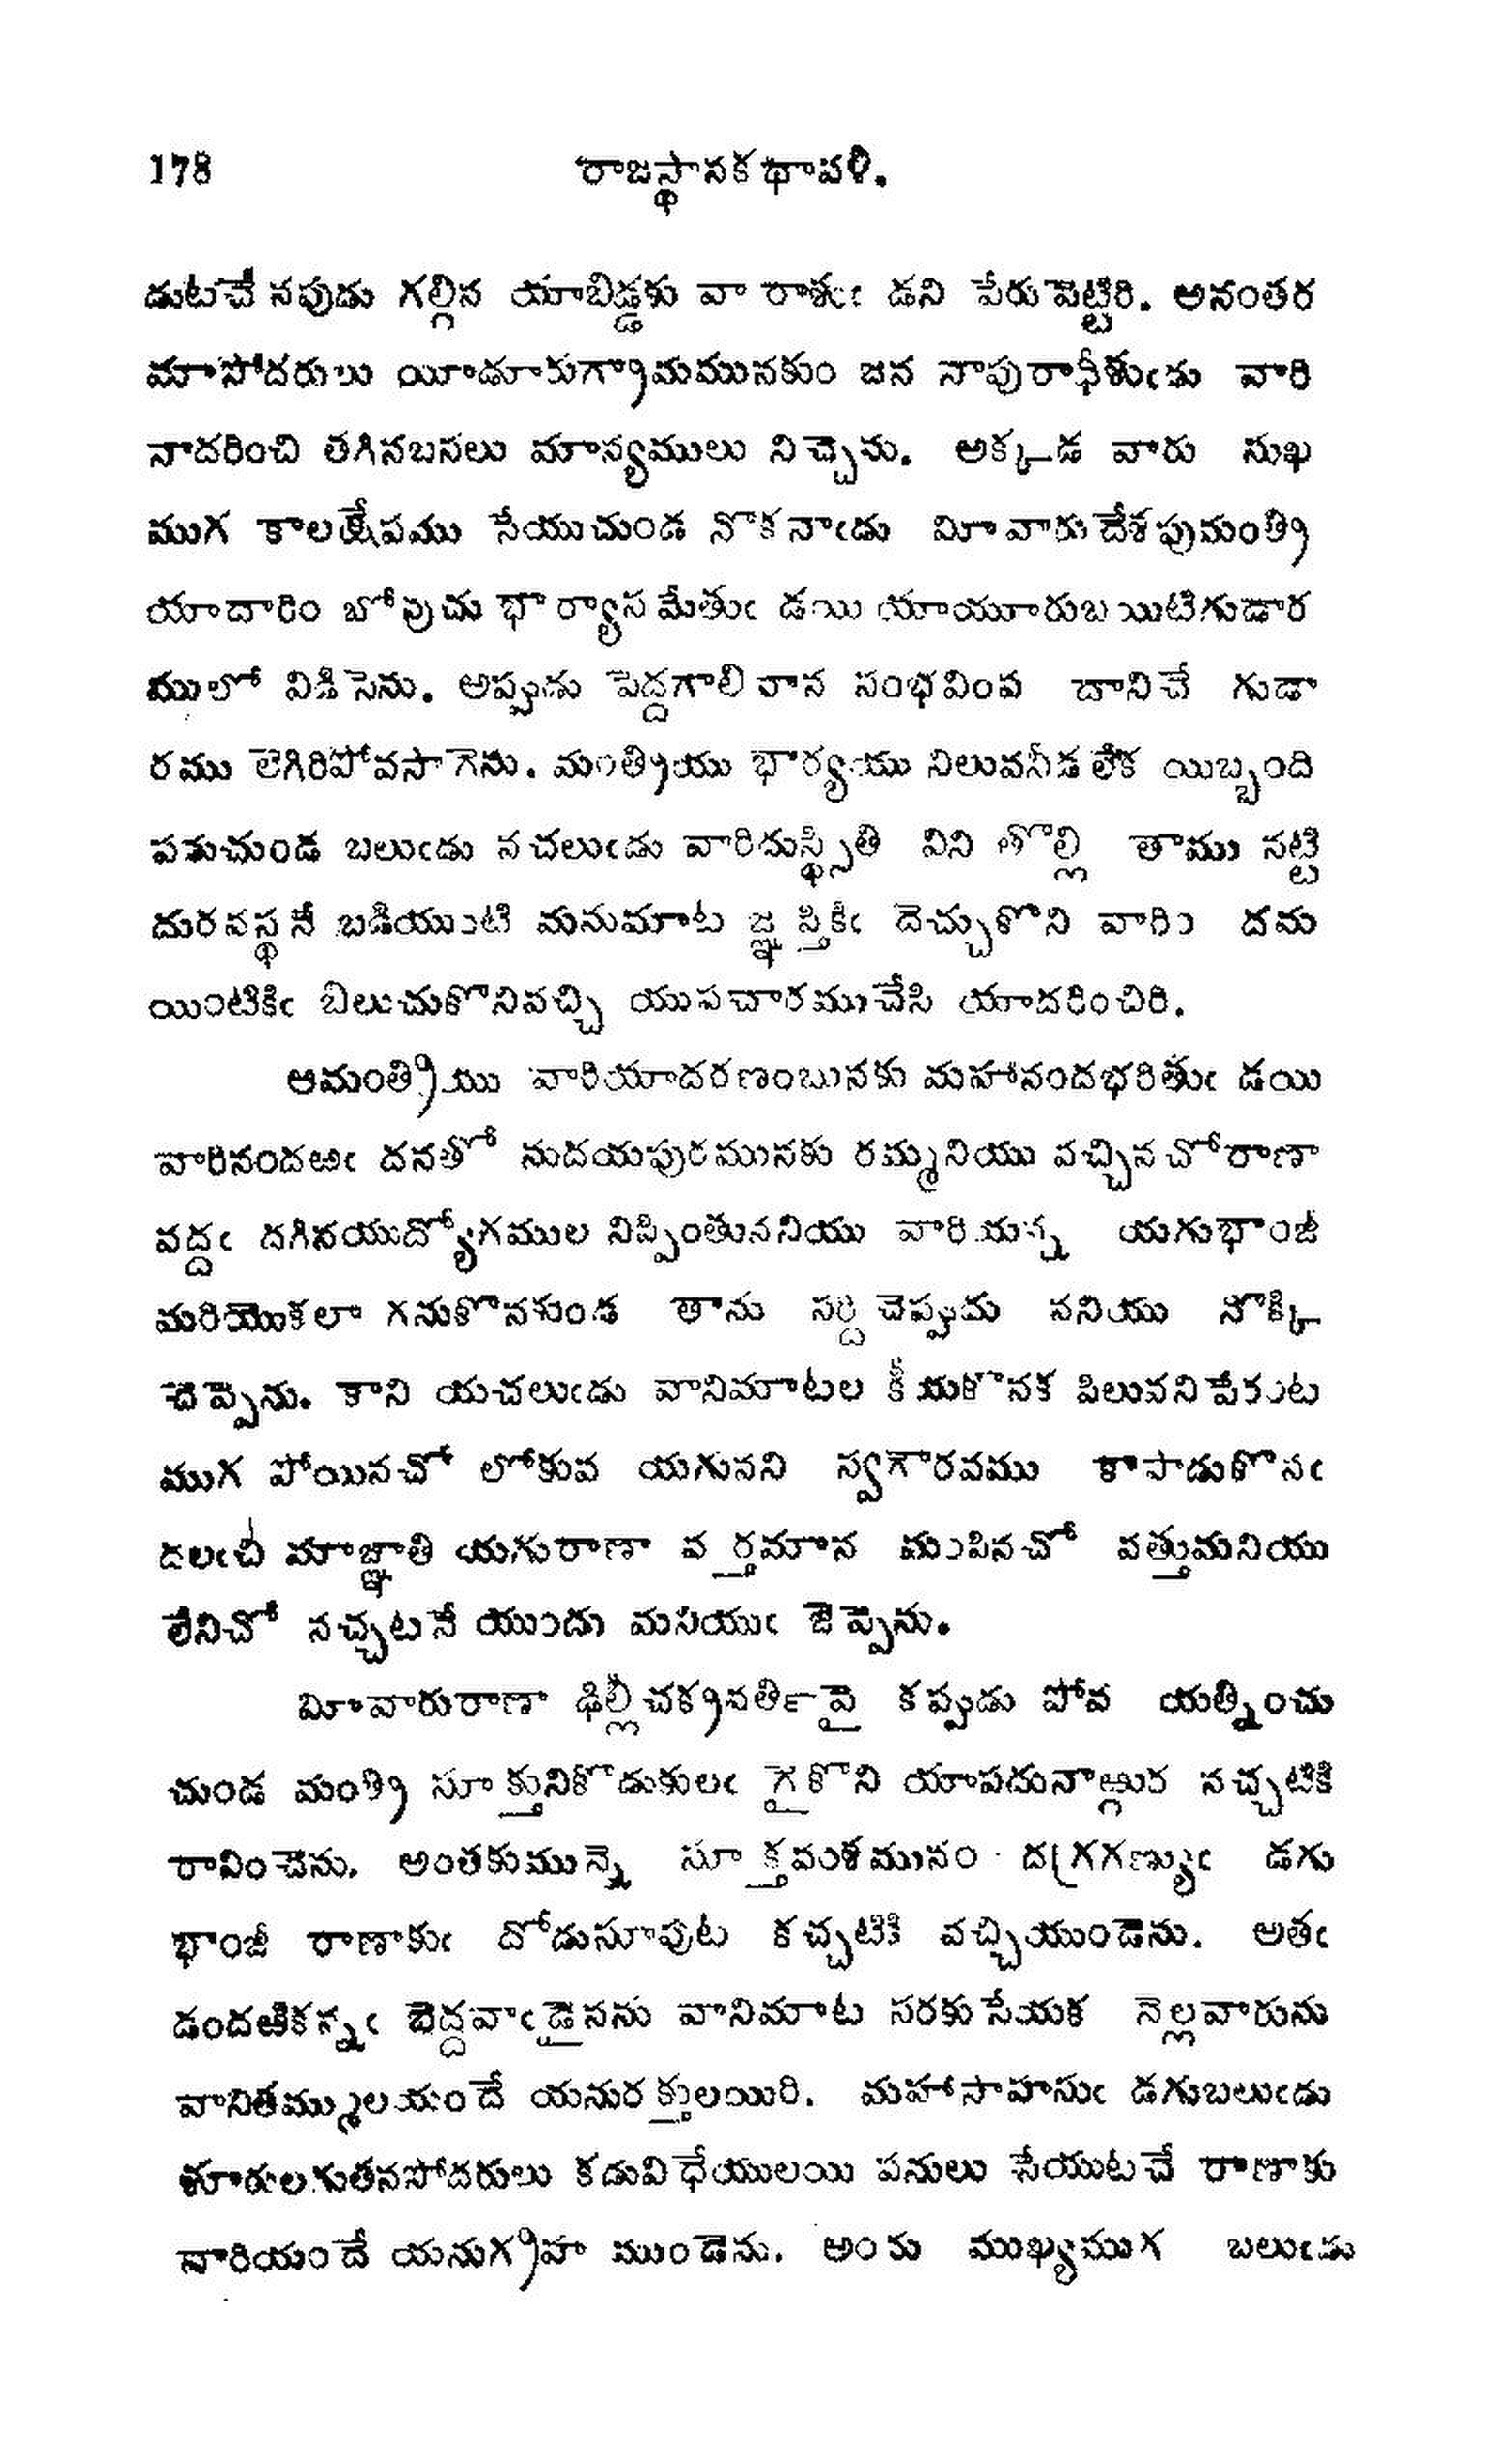డుటచే నపుడు గల్గిన యాబిడ్డకు వా రాశుఁడని పేరు పెట్టిరి. అనంతర మాసోదరులు యీడూరుగ్రామమునకుం జన నాపురాధీశుఁడు వారి
నాదరించి తగినబసలు మాన్యములు నిచ్చెను. అక్కడ వారు సుఖముగ కాలక్షేపము సేయుచుండ నొకనాఁడు మీవారు దేశపుమంత్రి
యాదారిం బోవుచు భార్యాసమేతుఁ డయి యూయూరుబయిటి గుడారములో విడిసెను. అప్పుడు పెద్దగాలి వాన సంభవింప దానిచే గుడారము తెగిరిపోవసాగెసు. మంత్రియు భార్యయు నిలువనీడలేక యిబ్బంది పడుచుండ బలుఁడు నచలుఁడు వారి దుస్థితి విని తోల్లి తాము నట్టి దురవస్థనే బడియుంటి మనుమాట జ్ఞప్తికిఁ దెచ్చుకొని వారిం దమ యింటికిఁ బిలుచుకొని వచ్చి యుపచారము చేసి యాదరించిరి.

ఆమంత్రియు వారి యాదరణంబునకు మహానందభరితుఁ డయి పోరినందఱఁ దనతో నుదయపురమునకు రమ్మనియు వచ్చినచోరాణా
వద్దఁ దగినయుద్యోగముల నిప్పింతుననియు వారి యన్న యగుభాంజీ మరియొకలా గనుకొనకుండ తాను సర్ధి చెప్పుదు ననియు నొక్కి
చెప్పెను. కాని యచలుఁడు వానిమాటల కీయకోనక పిలువని పేరంటముగ పోయినచో లోకువ యగునని స్వగౌరవము కాపాడుకొనఁ
దలచి మాజ్క్షాతి యగురాణా వర్తమాన మంపినచో వత్తుమనియు లేనిచో నచ్చటనే యుందు మనియుఁ జెప్పెను.

మీవారు రాణా ఢిల్లీ చక్రవతి౯పై కప్పుడు పోవ యత్నించు చుండ మంత్రి సూక్తునికోడుకులఁ గైకొని యాపదునాఱ్గుర నచ్చటికి రావించెను. అంతకుమున్నె సూక్తవంశమునం దగ్రగణ్యుఁ డగు భాంజీ రాణాకుఁ దోడుసూపుట కచ్చటికి వచ్చియుండెను. అతఁ డందఱికన్నఁ బెద్దవాఁడై నను వానిమాట సరకు సేయక నెల్లవారును వానితమ్ముల యందే యనురక్తులయిరి. మహాసాహసుఁ డగుబలుఁడు శూరులగు తనసోదరులు కడువిధేయులయి పనులు సేయుట చే రాణాకు వారియందే యనుగ్రహ ముండెను. అందు ముఖ్యముగ బలుఁడు